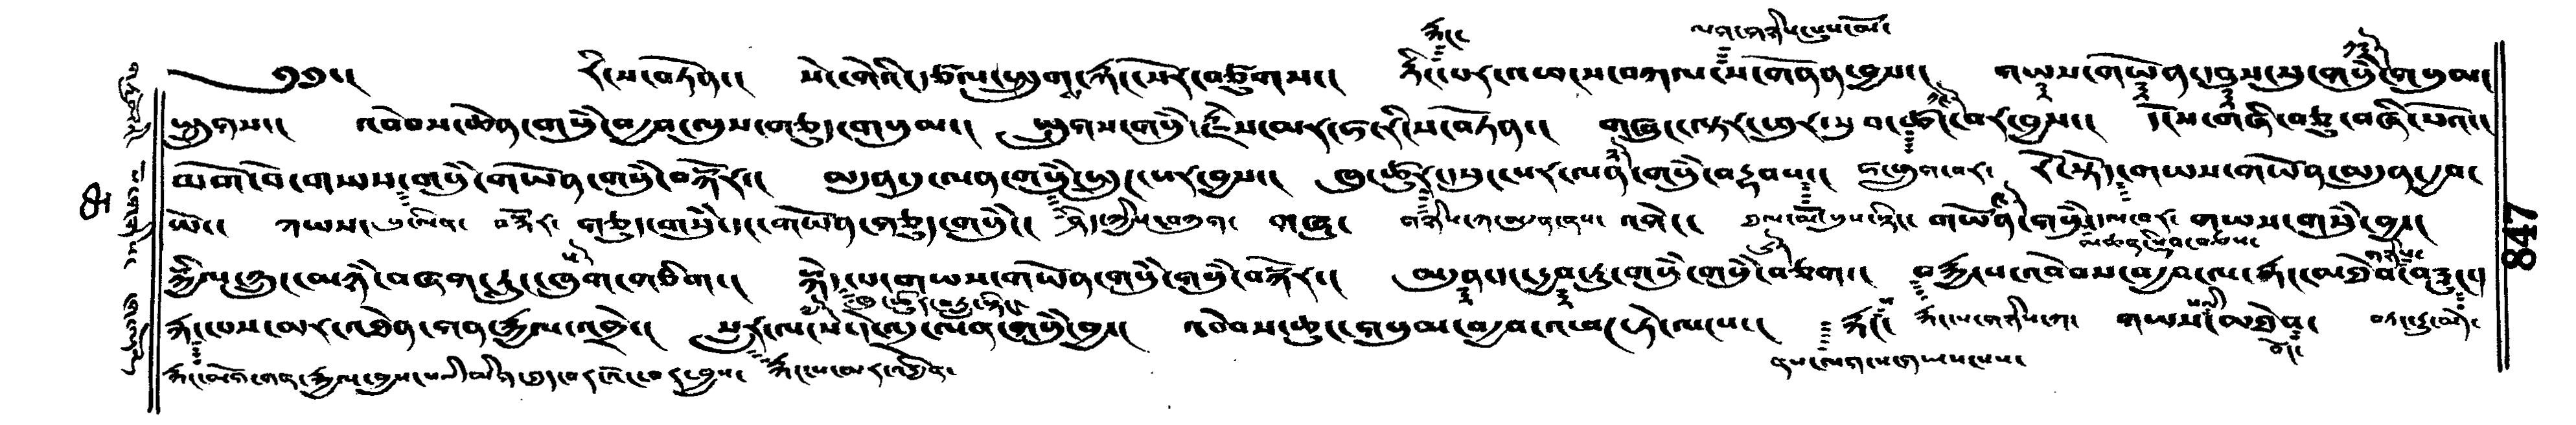རིང་བཏོན། །སེང་གེའི་རྩལ་སྤྲུགས་རྐང་སོར་གཙུགས། །རྟིང་པར་འཕོངས་བཀལ་ས་གནོན་བྱས། །གཡས་གཡོན་དབུས་སུ་གསུམ་གསུམ་
སྤྲུགས། །འབེབས་ཆེན་གསུམ་བརྒྱབ་ལུས་གཅུས་གསུམ། །སྤྲུགས་གསུམ་རྗེས་མར་ཧ་རིང་བཏོན། །གཞུང་ལྟར་ཕུར་སུབ་ཚང་བར་བྱས། །དངོས་གཞི་བཅུ་བཞི་པའོ།། །
མགོ་བོ་གཡས་གསུམ་གཡོན་གསུམ་བསྐོར། །མདུན་དུ་ལན་གསུམ་སྤྲུགས་པར་བྱས། ཁུ་ཚུར་དཔུང་པར་ལན་གསུམ་བརྡབ། །རོ་སྟོད་གཡས་གཡོན་མདུན་རྒྱབ་
ཡོ། །གཡས་གཅུས་གསུམ་དང་གཡོན་གཅུས་གསུམ། །གཞུ་འགེངས་གཡོན་གསུམ་གཡས་གསུམ་བྱ། །
སྐྱིལ་ཀྲུང་མཉམ་བཞག་རླུང་ཁུག་གཅིག །སྐེད་པ་གཡས་གཡོན་གསུམ་གསུམ་བསྐོར། །མདུན་དང་རྒྱབ་ཏུ་གསུམ་གསུམ་བཅག བརྐྱང་འབེབས་བརྒྱབ་ལ་རྐང་མཐེབ་བཟུང་། །
རྐང་པས་མར་འཐེན་གན་རྐྱལ་འགྲོ། །སླར་ལངས་དེ་འདྲ་ལན་གསུམ་བྱ། །འབེབས་ཆུང་གསུམ་བརྒྱབ་འཕགས་ཏེ་ལངས་། །རྐང་གཡས་མཐེབ་